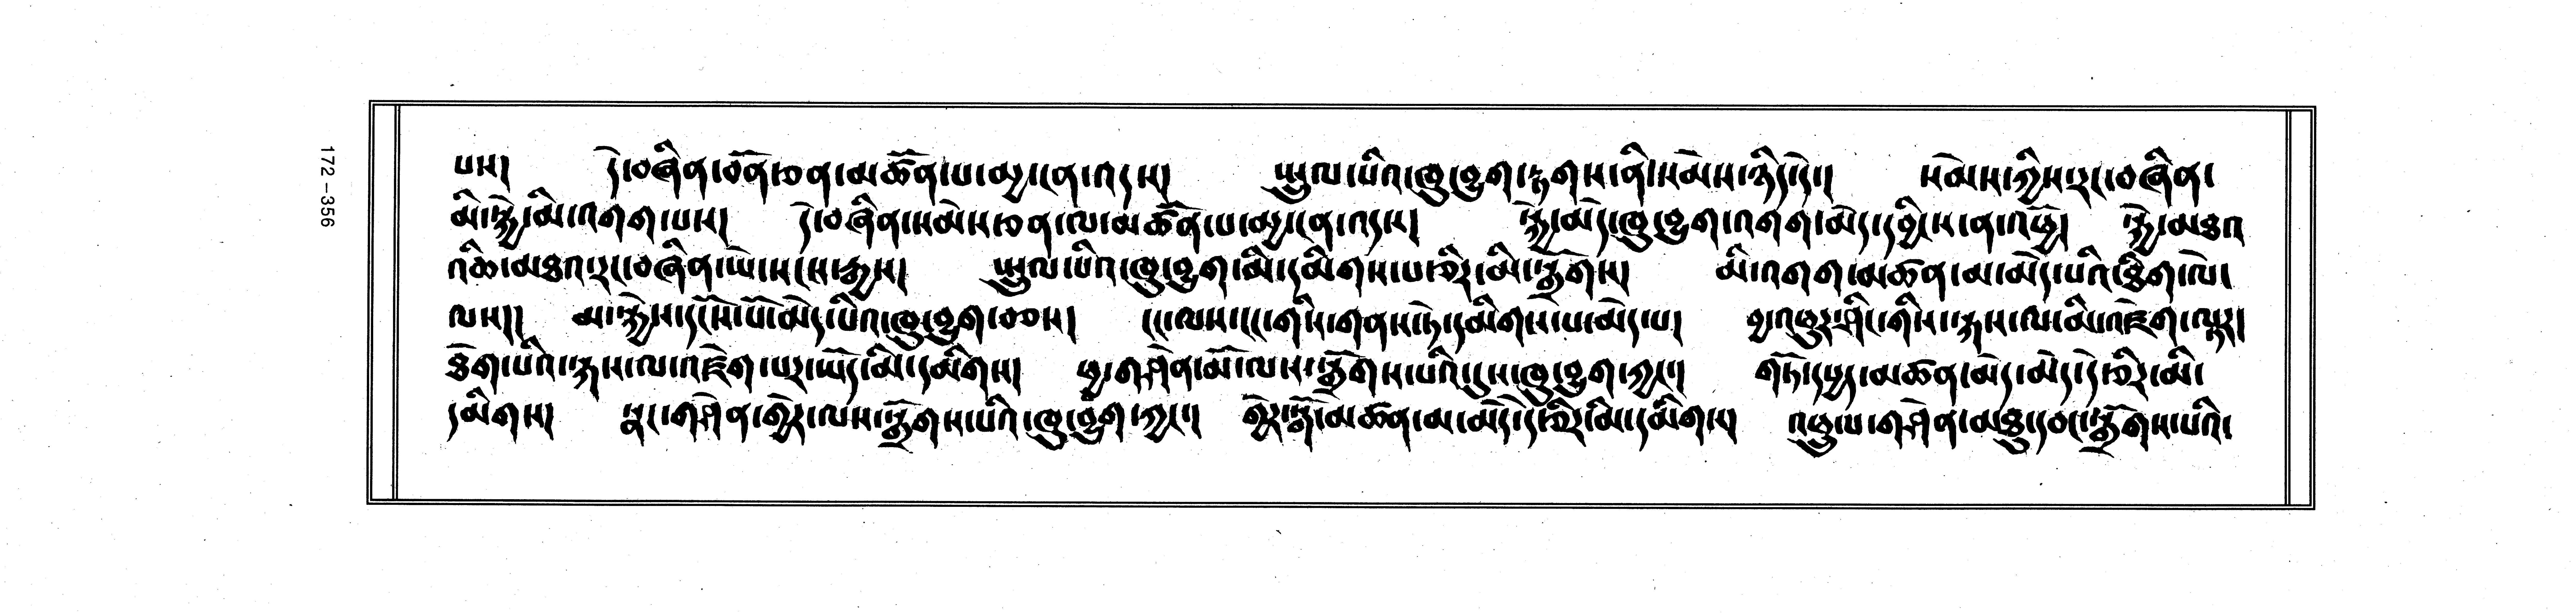པས། དེ་བཞིན་བོན་ཅན་མཚོན་པ་མྱ་ངན་འདས། སྤྲུལ་པའི་ཁུ་བྱུག་རྟགས་ནི་སེམས་ཉིད་དེ། སེམས་ཀྱིས་རང་བཞིན་
མི་སྐྱེ་མི་འགགས་པས། དེ་བཞིན་སེམས་ཅན་ལ་མཚོན་པ་མྱ་ངན་འདས། སྐྱེ་མེད་ཁུ་བྱུག་འགག་མེད་དབྱིངས་ན་འཕྱོ། སྐྱེ་མཐའ་
འཆི་མཐའ་རང་བཞིན་ཡེ་སངས་རྒྱས། སྤྲུལ་པའི་ཁུ་བྱུག་མི་དམིགས་པ་ཅིར་མི་སྒྲོགས། མི་འགག་མཚན་མ་མེད་པའི་ཐིག་ལེ་
ལས། མ་སྐྱེས་དངོས་པོ་མེད་པའི་ཁུ་བྱུག་བཅས། ངང་ལས་ངང་གིས་གནས་ཏེ་དམིགས་པ་མེད་པ། བྱ་འཕུར་ཤིང་གིས་སྐས་ལ་མི་འཛེག་ལྟར། 
ཐེག་པའི་སྐས་ལ་འཛེག་པར་ཡོད་མི་དམིགས། ཕྱྭ་གཤེན་མོ་ལས་སྒྲོགས་པའི་ཁུ་བྱུག་ཀྱང་། གཏོ་དཔྱད་མཚན་མེད་མེད་དེ་ཅིར་མི་
དམིགས། སྣང་གཤེན་གྱེར་ལས་སྒྲོགས་པའི་ཁུ་བྱུག་ཀྱང་། གྱེར་སྒོ་མཚན་མ་མེད་དེ་ཅིར་མི་དམིགས། འཕྲུལ་གཤེན་མཐུ་དབང་སྒྲོགས་